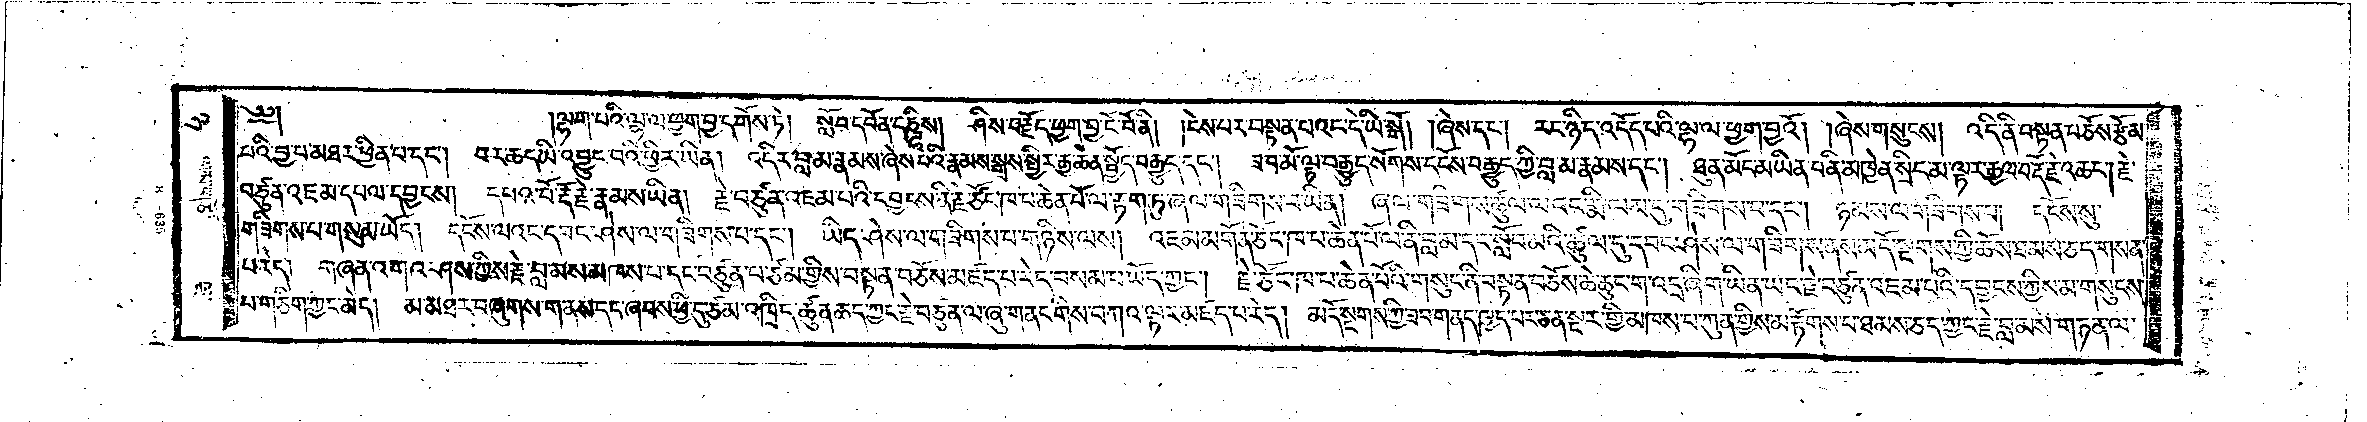༄༅། །ལྷག་པའི་ལྷ་ལ་ཕྱག་བྱ་དགོས་ཏེ། སློབ་དཔོན་དཎྜཱིས། ཤིས་བརྗོད་ཕྱག་བྱ་ངོ་བོ་ནི། །ངེས་པར་བསྟན་པའང་དེ་ཡི་སྒོ། །ཞེས་དང་། རང་ཉིད་འདོད་པའི་ལྷ་ལ་ཕྱག་བྱའོ། །ཞེས་གསུངས། འདི་ནི་བསྟན་བཅོས་རྩོམ་
པའི་བྱ་བ་མཐར་ཕྱིན་པ་དང་། བར་ཆད་མི་འབྱུང་བའི་ཕྱིར་ཡིན། འདིར་བླ་མ་རྣམས་ཞེས་པའི་རྣམས་སྒྲས་སྤྱིར་རྒྱ་ཆེན་སྤྱོད་བརྒྱུད་དང་། ཟབ་མོ་ལྟ་བརྒྱུད་སོགས་དངོས་བརྒྱུད་ཀྱི་བླ་མ་རྣམས་དང་། ཐུན་མོང་མ་ཡིན་པ་ནི་མཁྱེན་སྲིད་མ་ལྟར་རྒྱལ་བ་རྡོ་རྗེ་འཆང་། རྗེ་
བཙུན་འཇམ་དཔལ་དབྱངས། དཔའ་བོ་རྡོ་རྗེ་རྣམས་ཡིན། རྗེ་བཙུན་འཇམ་པའི་དབྱངས་ནི་རྗེ་ཙོང་ཁ་པ་ཆེན་པོ་ལ་རྟག་ཏུ་ཞལ་གཟིགས་པ་ཡིན། ཞལ་གཟིགས་ཚུལ་ལའང་རྨི་ལམ་དུ་གཟིགས་པ་དང་། ཉམས་ལ་གཟིགས་པ། དངོས་སུ་
གཟིགས་པ་གསུམ་ཡོད། དངོས་ལའང་དབང་ཤེས་ལ་གཟིགས་པ་དང་། ཡིད་ཤེས་ལ་གཟིགས་པ་གཉིས་ལས། འཇམ་མགོན་ཙོང་ཁ་པ་ཆེན་པོ་ལ་ནི་བླ་མ་དང་སློབ་མའི་ཚུལ་དུ་དབང་ཤེས་ལ་གཟིགས་ནས་མདོ་སྔགས་ཀྱི་ཆོས་ཐམས་ཅད་གསན་
པ་རེད། གཞན་འགའ་ཤས་ཀྱིས་རྗེ་བླ་མས་མཁས་པ་དང་བཙུན་པ་ཙམ་གྱིས་བསྟན་བཅོས་མཛད་པ་རེད་བསམ་པ་ཡོད་ཀྱང་། རྗེ་ཙོང་ཁ་པ་ཆེན་པོའི་གསུང་ནི་བསྟན་བཅོས་ཆེ་ཆུང་ག་འདྲ་ཞིག་ཡིན་ཡང་རྗེ་བཙུན་འཇམ་པའི་དབྱངས་ཀྱིས་མ་གསུངས་
པ་གཅིག་ཀྱང་མེད། མ་མཐར་བཞུགས་གནས་དང་ཞབས་ཕྱི་དུ་ཙམ་འཁྲིད་ཚུན་ཆད་ཀྱང་རྗེ་བཙུན་ལ་ཞུ་གནང་གིས་བཀའ་ལྟར་མཛད་པ་རེད། མདོ་སྔགས་ཀྱི་ཟབ་གནད་ཁྱད་པར་ཅན་སྔར་གྱི་མཁས་པ་ཀུན་གྱིས་མ་རྟོགས་པ་ཐམས་ཅད་ཀྱང་རྗེ་བླ་མས་གཏན་ལ་